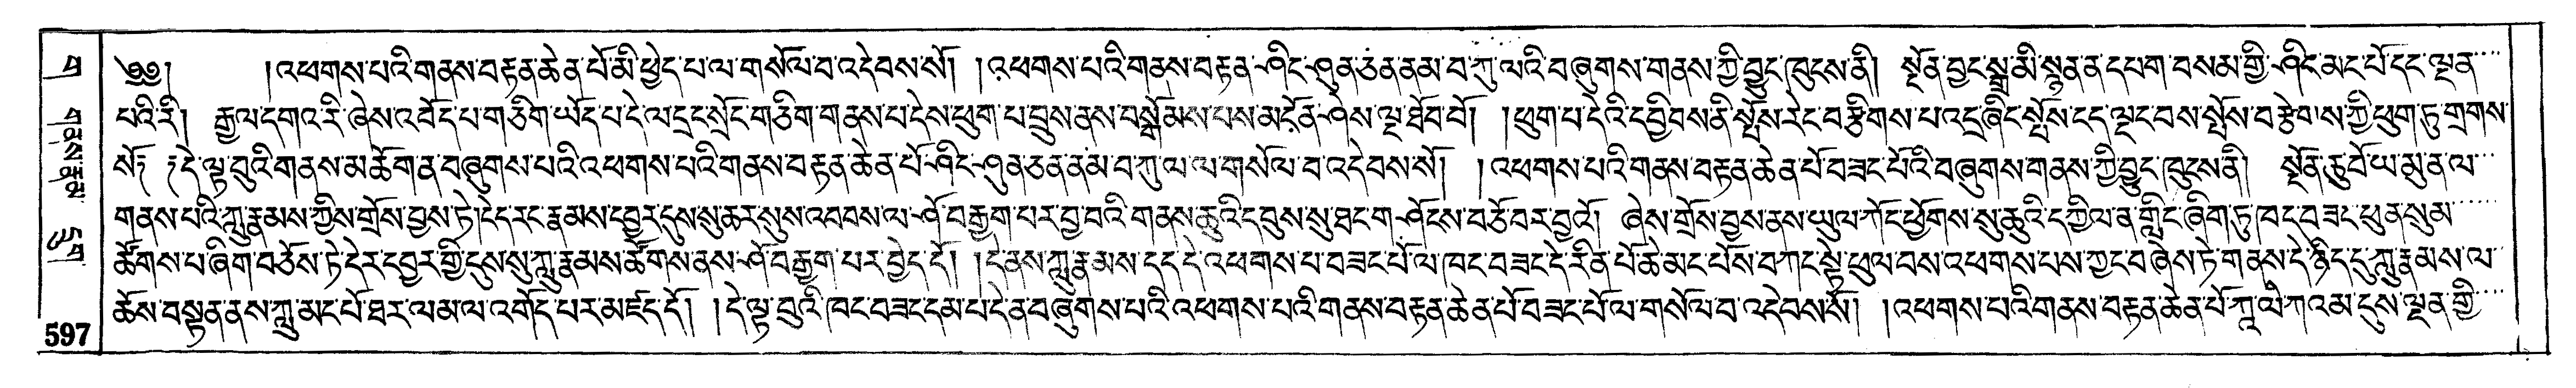༄༅། །འཕགས་པའི་གནས་བརྟན་ཆེན་པོ་མི་ཕྱེད་པ་ལ་གསོལ་བ་འདེབས་སོ། །འཕགས་པའི་གནས་བརྟན་ཤིང་ཤུན་ཅན་ནམ་བ་ཀུ་ལའི་བཞུགས་གནས་ཀྱི་བྱུང་ཁུངས་ནི། སྔོན་བྱང་སྒྲ་མི་སྙན་ན་དཔག་བསམ་གྱི་ཤིང་མང་པོ་དང་ལྡན་
པའི་རི། རྒྱལ་དགའ་རི་ཞེས་འབོད་པ་གཅིག་ཡོད་པ་དེ་ལ་དྲང་སྲོང་གཅིག་གནས་པ་དེས་ཕུག་པ་བྲུས་ནས་བསྒོམས་པས་མངོན་ཤེས་ལྔ་ཐོབ་བོ། །ཕུག་པ་དེའི་དབྱིབས་ནི་སྤོས་རེང་བརྩིགས་པ་འདྲ་ཞིང་སྦོས་ངད་ལྡང་བས་སྤོས་བརྩེགས་ཀྱི་ཕུག་ཏུ་གྲགས་
སོ༑ ༑དེ་ལྟ་བུའི་གནས་མཆོག་ན་བཞུགས་པའི་འཕགས་པའི་གནས་བརྟན་ཆེན་པོ་ཤིང་ཤུན་ཅན་ནམ་བ་ཀུ་ལ་ལ་གསོལ་བ་འདེབས་སོ། །འཕགས་པའི་གནས་བརྟན་ཆེན་པོ་བཟང་པོའི་བཞུགས་གནས་ཀྱི་བྱུང་ཁུངས་ནི། སྔོན་ཆུ་བོ་ཡ་མུ་ན་ལ་
གནས་པའི་ཀླུ་རྣམས་ཀྱི་གྲོས་བྱས་ཏེ། ངེད་རང་རྣམས་དབྱར་དུས་སུ་ཆར་སུས་འབེབས་ལ་ཤོ་བརྒྱག་པར་བྱ་བའི་གནས་ཆུའི་དབུས་སུ་ཐང་གཤོངས་བཅོ་བར་བྱའོ། ཞེས་གྲོས་བྱས་ནས་ཡུལ་ཀོང་ཕྱོགས་སུ་ཆུའི་དཀྱིལ་ན་གླིང་ཞིག་ཏུ་ཁང་བཟང་ཕུན་སུམ་
ཚོགས་པ་ཞིག་བཅོས་ཏེ་དེར་དབྱར་གྱི་དུས་སུ་ཀླུ་རྣམས་ཚོགས་ནས་ཤོ་བརྒྱག་པར་བྱེད་དོ། །དེ་ནས་ཀླུ་རྣམས་དད་དེ་འཕགས་པ་བཟང་པོ་ལ་ཁང་བཟང་དེ་རིན་པོ་ཆེ་མང་པོས་བཀང་སྟེ་ཕུལ་བས་འཕགས་པས་ཀྱང་བཞེས་ཏེ་གནས་དེ་ཉིད་དུ་ཀླུ་རྣམས་ལ་
ཆོས་བསྟན་ནས་ཀླུ་མང་པོ་ཐར་ལམ་ལ་འགོད་པར་མཛད་དོ། །དེ་ལྟ་བུའི་ཁང་བཟང་དམ་པ་དེ་ན་བཞུགས་པའི་འཕགས་པའི་གནས་བརྟན་ཆེན་པོ་བཟང་པོ་ལ་གསོལ་བ་འདེབས་སོ། །འཕགས་པའི་གནས་བརྟན་ཆེན་པོ་ཀཱ་ལི་ཀའམ་དུས་ལྡན་གྱི་